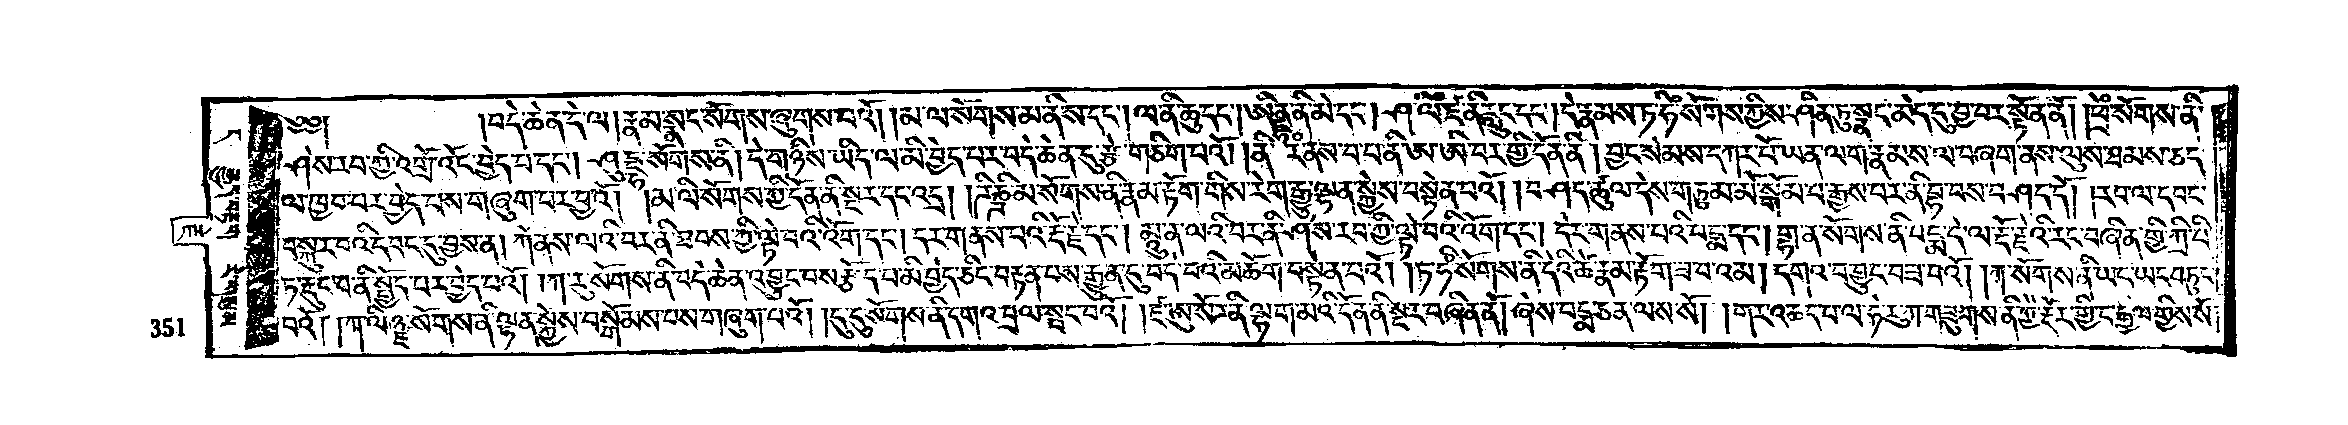༄༅། །བདེ་ཆེན་དེ་ལ། རྣམ་སྣང་སོགས་ཞུགས་པའོ། །མ་ལ་སོགས་མ་ནི་ས་དང་། ལ་ནི་ཆུ་དང་། ཨིནྡྷ་ནི་མེ་དང་། ཤ་ལིཾ་ཛ་ནི་རླུང་དང་། དེ་རྣམས་ཏ་ཧིཾ་སོགས་ཀྱིས་ཤིན་ཏུ་སྣང་མེད་དུ་བྱ་བར་སྟོན་ནོ། །ཕྲེཾ་སོགས་ནི་
ཤེས་རབ་ཀྱི་འགྲོ་འོང་བྱེད་པ་དང་། ཤུདྡྷ་སོགས་ནི། དེ་གཉིས་ཡིད་ལ་མི་བྱེད་པར་བདེ་ཆེན་དུ་རྩེ་གཅིག་པའོ། །ནི་རཾ་ནས་བ་པ་ནི་ཨ་ཨི་བར་གྱི་དོན་ནི། བྱང་སེམས་དཀར་པོ་ཡན་ལག་རྣམས་ལ་བཞག་ནས་ལུས་ཐམས་ཅད་
ལ་ཁྱབ་པར་བྱེད་པས་གཞུག་པར་བྱའོ། །མ་ལི་སོགས་ཀྱི་དོན་ནི་སྔར་དང་འདྲ། །ཌིཎྜི་མ་སོགས་ནི་རྣམ་རྟོག་གིས་རེག་རྒྱུ་ལྷན་སྐྱེས་བསྟེན་པའོ། །བཤད་ཚུལ་དེས་གཏུམ་མོ་སྒོམ་པ་རྒྱས་པར་ནི་བྷ་བས་བཤད་དོ། །རབ་ལ་དབང་
བསྐུར་བའི་དབང་དུ་བྱས་ནས། ཀོ་ནས་ལའི་བར་ནི་ཐབས་ཀྱི་ལྟེ་བའི་འོག་དང་། དར་གནས་པའི་རྡོ་རྗེ་དང་། མཱུ་ན་ལའི་བར་ནི་ཤེས་རབ་ཀྱི་ལྟེ་བའི་འོག་དང་། དེར་གནས་པའི་པདམ་དང་། གྷ་ན་སོགས་ནི་པདམ་དེ་ལ་རྡོ་རྗེའི་རང་བཞིན་གྱི་ཀྲི་པི་
ཏ་རྡུང་བ་ནི་སྤྱོད་པར་བྱེད་པའོ། །ཀ་རུ་སོགས་ནི་བདེ་ཆེན་འབྱུང་བས་རྩོད་པ་མི་བྱེད་ཅིང་བརྟན་པས་རྒྱུན་དུ་བདེ་བའི་མཆོག་བསྟེན་པའོ། །ཏ་ཧིཾ་སོགས་ནི་དེའི་ཚེ་རྣམ་རྟོག་ཟ་བ་འམ། དགའ་བ་བྱུང་བ་ཟ་བའོ། །ཀ་སོགས་ནི་ཡང་ཡང་བཏུང་
བའོ། །ཀ་ལིཉྫ་སོགས་ནི་ལྷན་སྐྱེས་བསྒོམས་པས་གཞུག་པའོ། །དུ་དུ་སོགས་ནི་དགའ་བྲལ་སྤང་བའོ། །ཛ་ཨུ་སོགས་ནི་ལྷག་མའི་དོན་ནི་སྔར་བཞིན་ནོ། ཞེས་པདམ་ཅན་ལས་སོ། །གར་འཆད་པ་ལ་ཧེ་རུ་ཀ་གཟུགས་ནི་ཀྱཻ་རྡོར་གྱི་ང་རྒྱལ་གྱིས་སོ་